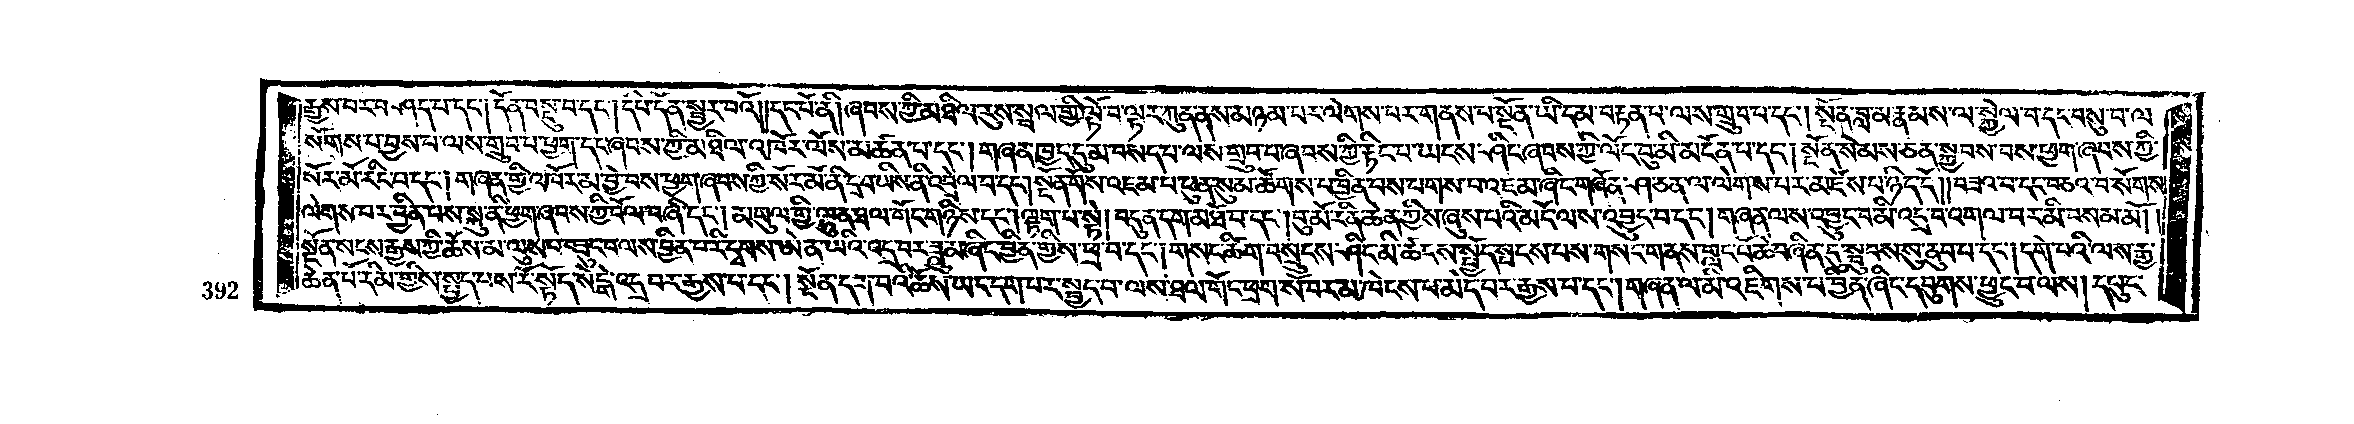རྒྱས་པར་བཤད་པ་དང་། དོན་བསྡུ་བ་དང་། དཔེ་དོན་སྦྱར་བའོ། །དང་པོ་ནི། ཞབས་ཀྱི་མཐིལ་རུས་སྦལ་གྱི་ལྟོ་བ་ལྟར་ཀུན་ནས་མཉམ་པར་ལེགས་པར་གནས་པ་སྔོན་ཡི་དམ་བརྟན་པ་ལས་གྲུབ་པ་དང་། སྔོན་བླ་མ་རྣམས་ལ་སྐྱེས་པ་དང་གསུ་བ་ལ་
སོགས་པ་བྱས་པ་ལས་གྲུབ་པ་ཕྱག་དང་ཞབས་ཀྱི་མཐིལ་འཁོར་ལོས་མཚན་པ་དང་། གཞན་ཁྱད་དུ་མ་བཤད་པ་ལས་གྲུབ་པ་ཞགས་ཀྱི་རྟིང་པ་ཡངས་ཤིང་ཞབས་ཀྱི་ལོང་བུ་མི་མངོན་པ་དང་། སྔོན་སེམས་ཅན་སྐྱབས་པས་ཕྱག་ཞབས་ཀྱི་
སོར་མོ་རིང་བ་དང་། གཞན་གྱི་འཁོར་མ་བྱེ་བས་ཕྱག་ཞབས་ཀྱི་སོར་མོ་ནི་དྲ་བ་ཡིས་ནི་འབྲེལ་པ་དང་། སྔོན་གོས་འཇམ་པ་ཕུན་སུམ་ཚོགས་པ་བྱིན་པས་པགས་པ་འཇམ་ཞིང་གཞོན་ཤ་ཅན་ལ་ལེགས་པར་མཛེས་པ་ཉིད་དོ། །བཟའ་བ་དང་བཅའ་བ་སོགས་
ལེགས་པར་བྱིན་པས་སྐུ་ནི་ཕྱག་ཞབས་ཀྱི་བོལ་བཞི་དང་། མགུལ་གྱི་ལྷུན་ཐལ་གོང་གཉིས་དང་། ལྟག་པ་སྟེ། བདུན་དག་མཐོ་བ་དང་། བུ་མོ་རིན་ཆེན་གྱིས་ཞུས་པའི་མདོ་ལས་འབྱུང་བ་དང་། གཞན་ལས་འབྱུང་བ་མི་འདྲ་བ་འགལ་བར་མི་བསམ་མོ། །
སྔོན་སངས་རྒྱས་ཀྱི་ཆོས་མ་ལུས་པ་བཟུང་བ་ལས་བྱིན་པ་རི་དྭགས་ཨེ་ན་ཡའི་འདྲ་བར་ཟླུམ་ཞིང་བྱིན་གྱིས་ཕྲ་བ་དང་། གསང་ཚིག་བསྲུངས་ཤིང་མི་ཚངས་སྤྱོད་སྤངས་པས་གསང་གནས་གླང་པོ་ཆེ་བཞིན་དུ་སྦུབས་སུ་ནུབ་པ་དང་། དགེ་བའི་ལས་རྒྱ་
ཆེན་པོ་རིམ་གྱིས་སྤྱད་པས་རོ་སྟོད་སེངགེ་འདྲ་བར་རྒྱས་པ་དང་། སྔོན་དག་པའི་ཆོས་ཡང་དག་པར་སྦྱང་བ་ལས་ཐལ་གོང་ཕྲག་སོ་བར་མ་ཁེངས་པ་མེད་པར་རྒྱས་པ་དང་། གཞན་ལ་མི་འཇིགས་པ་བྱིན་ཞིང་དབུགས་ཕྱུང་བ་ལས། དཔུང་